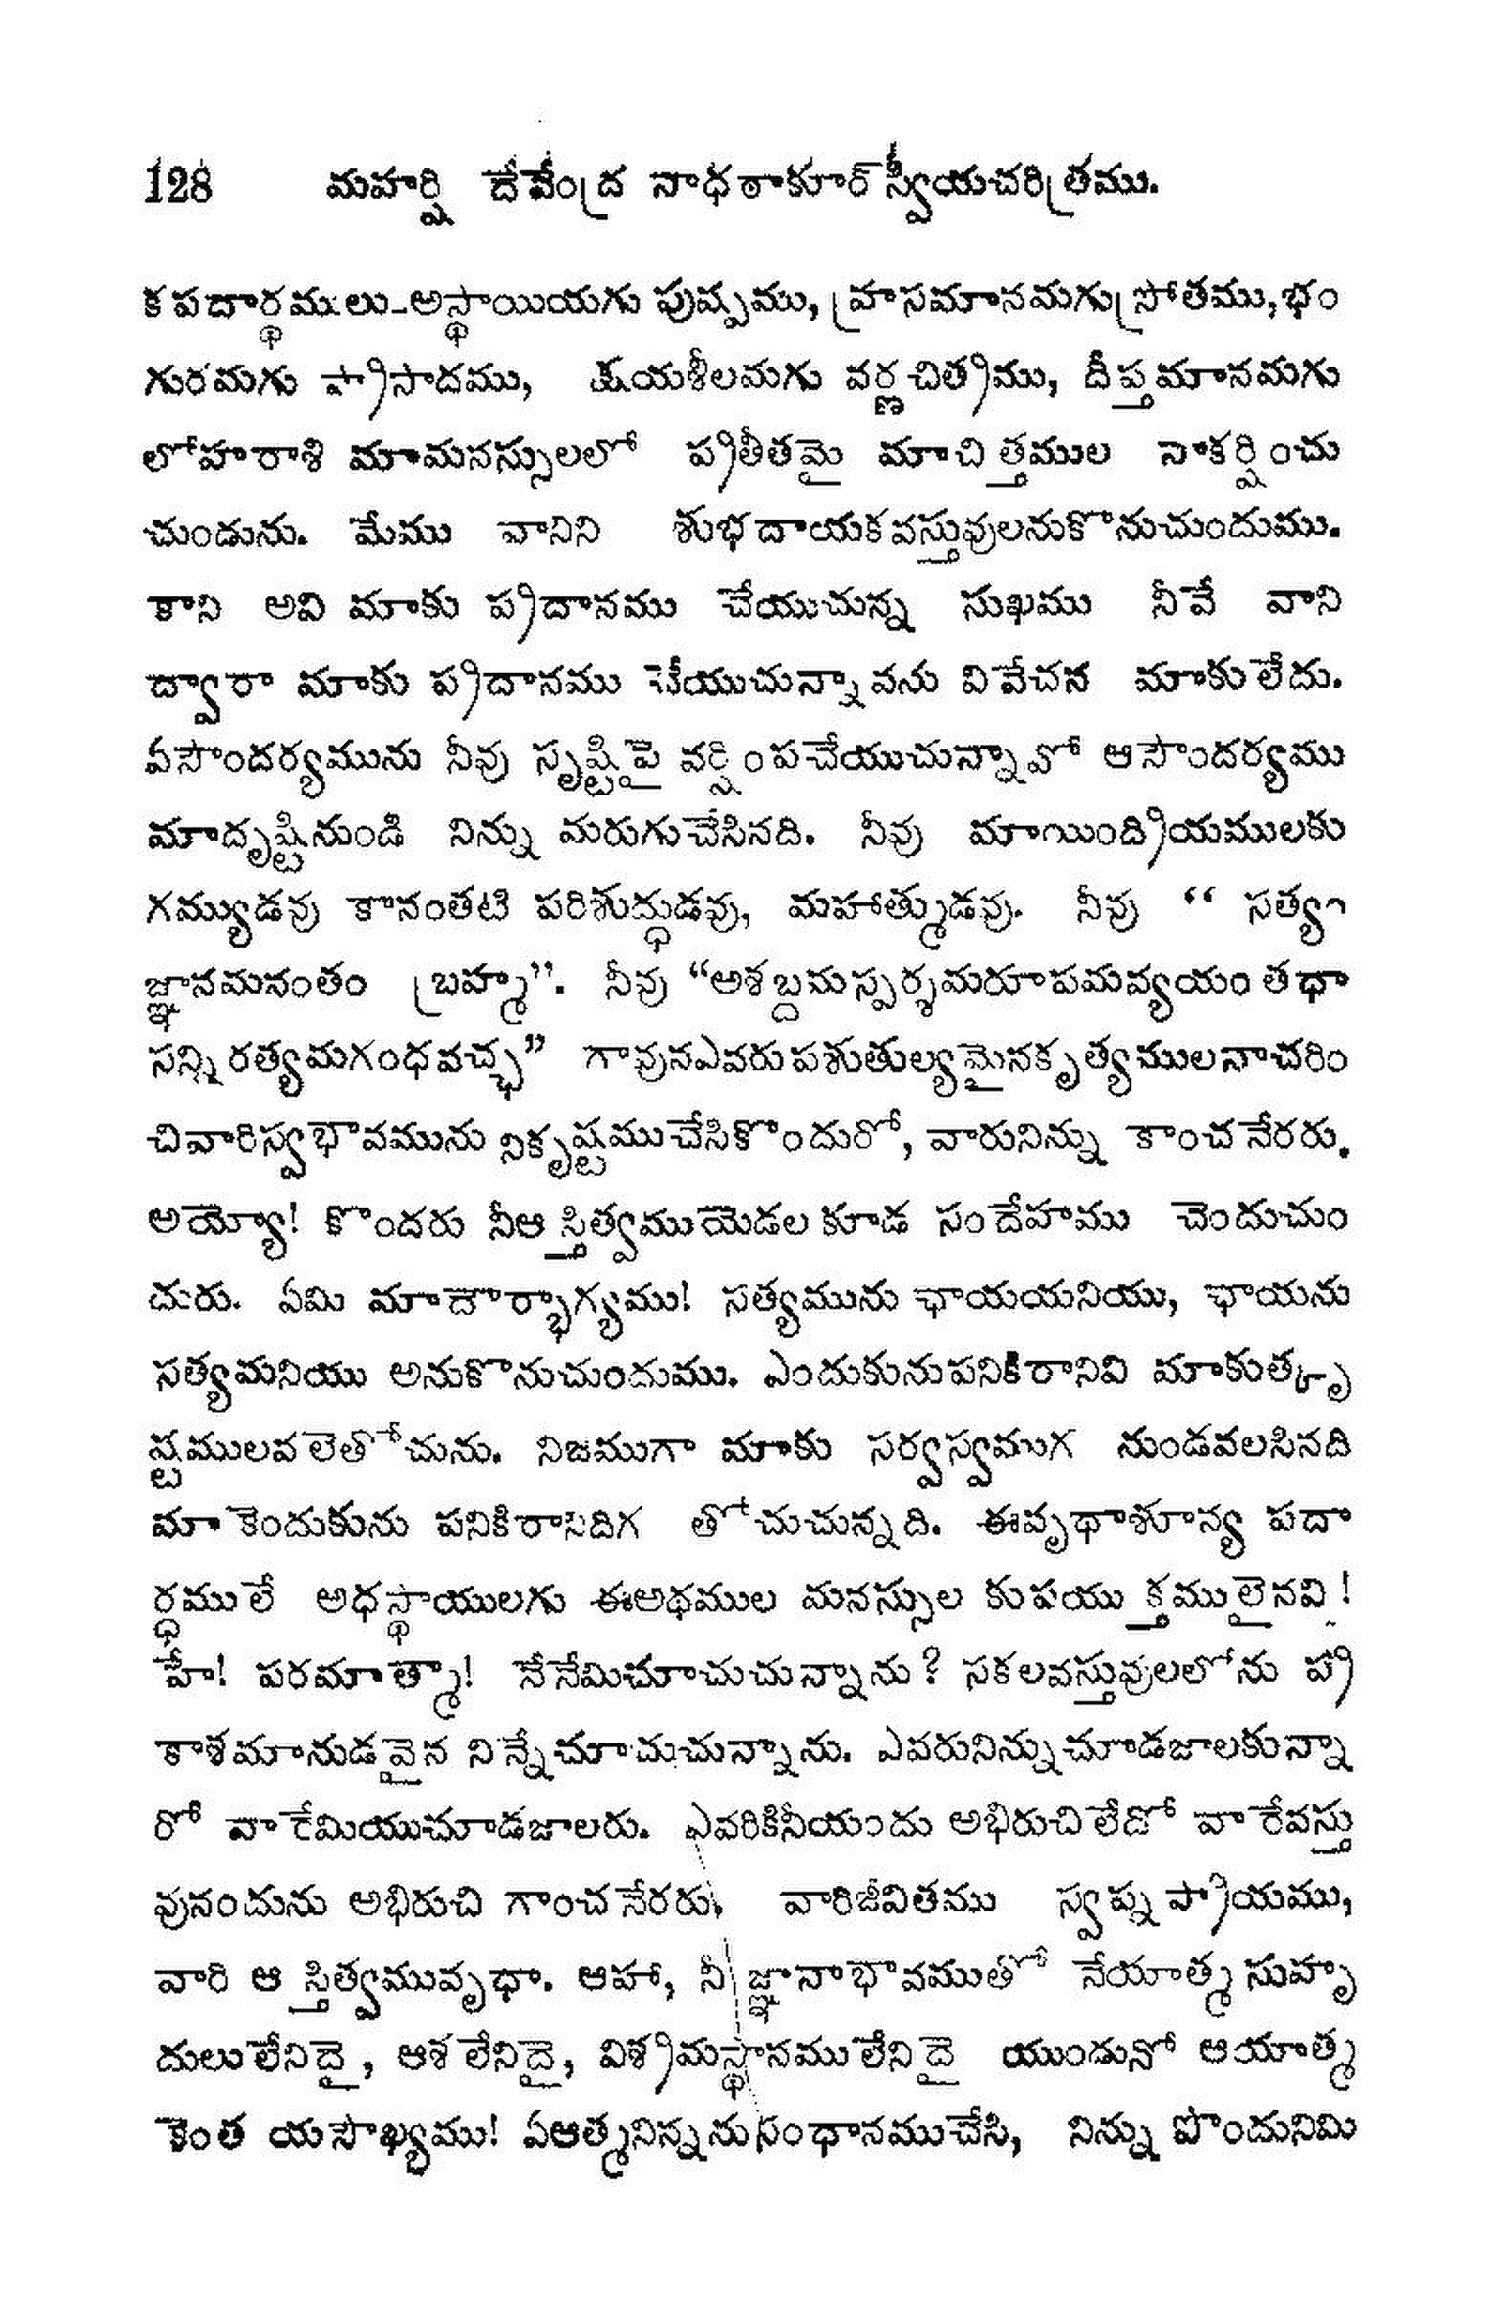కపదార్థములు-అస్థాయియగు పుష్పము, హ్రసమానమగుస్త్రోతము, 
భంగురమగు ప్రాసాదము, క్షయశీలమగు వర్ణ చిత్రము, దీప్త మానమగు
లోహ రాశి మామనస్సులలో ప్రతీతమై మాచిత్తముల సౌకర్షించు చుండును.
మేము వానిని శుభ దాయక వస్తువులనుకొను చుందుము. కాని అవి మాకు 
ప్రదానము చేయుచున్న సుఖము నీవే వానిద్వారా ప్రదానము చేయు
చున్నావను వివేచన మాకు లేదు. ఏసౌందర్యమును నీవు సృష్టి పై వర్షింపచేయుచున్నావో ఆ సౌందర్యము మాదృష్టినుండి నిన్ను మరుగు 
చేసినది. నీవు మాయింద్రియములకు గమ్యుడవు కానంతటి పరిశుద్ధుడవు, 
మహాత్ముడవు. నీవు సత్యంజ్ఞాన మనంతం బ్రహ్మ". నీవు "ఆశబ్దమస్పర్శమరూపమవ్యయం తధాసన్ని రత్యమగంధ వచ్ఛ" 
గావున ఎవరు పశుతుల్యమైన కృత్యముల నాచరించి వారి స్వభావమును 
నికృష్టము చేసికొందురో, వారునిన్ను కాంచ నేరరు. అయ్యో! కొందరు నీ
ఆస్తిత్వము యెడల కూడ సందేహము చెందుచుందురు. ఏమి మా 
దౌర్భాగ్యము! సత్యమును ఛాయయనియు, ఛాయను సత్యమనీయు అనుకొనుచుందుము. ఎందుకునుపనికి రానివి మాకుత్కృస్టముల
వలె తోచును. నిజముగా మాకు సర్వస్వముగ నుండవలసినది
మాకెందుకును పనికి రాసిదిగ తోచుచున్నది. ఈవృథాశూన్య 
పదార్దములే అధ స్థాయులగు ఈ అథముల మనస్సుల కుపయుక్తము 
లైనవి ! హే! పరమాత్మా! 'నేనేమి చూచుచున్నాను ? సకలవస్తువులలోను 
ప్రకాశమానుడవైన నిన్నే చూచుచున్నాను. ఎవరునిన్ను చూడజాల
కున్నారో వారేమియుచూడజాలరు. ఎవరికినీయందు అభిరుచి లేదో 
వా రేవస్తువునందును అభిరుచి గాంచ నేరరు, వారి జీవితము
స్వప్న ప్రాయము, వారి ఆస్తిత్వము వృధా. ఆహా, నీ జ్ఞానాభావముతో 
నేయాత్మ సుహృదులు లేనిదై , ఆశ లేనిదై, విశ్రమస్థానము లేనిదై 
యుండునో ఆయాత్మ కెంత యసౌఖ్యము! ఏఆత్మనిన్నను సంధానము 
చేసి, నిన్ను పొందునిమి